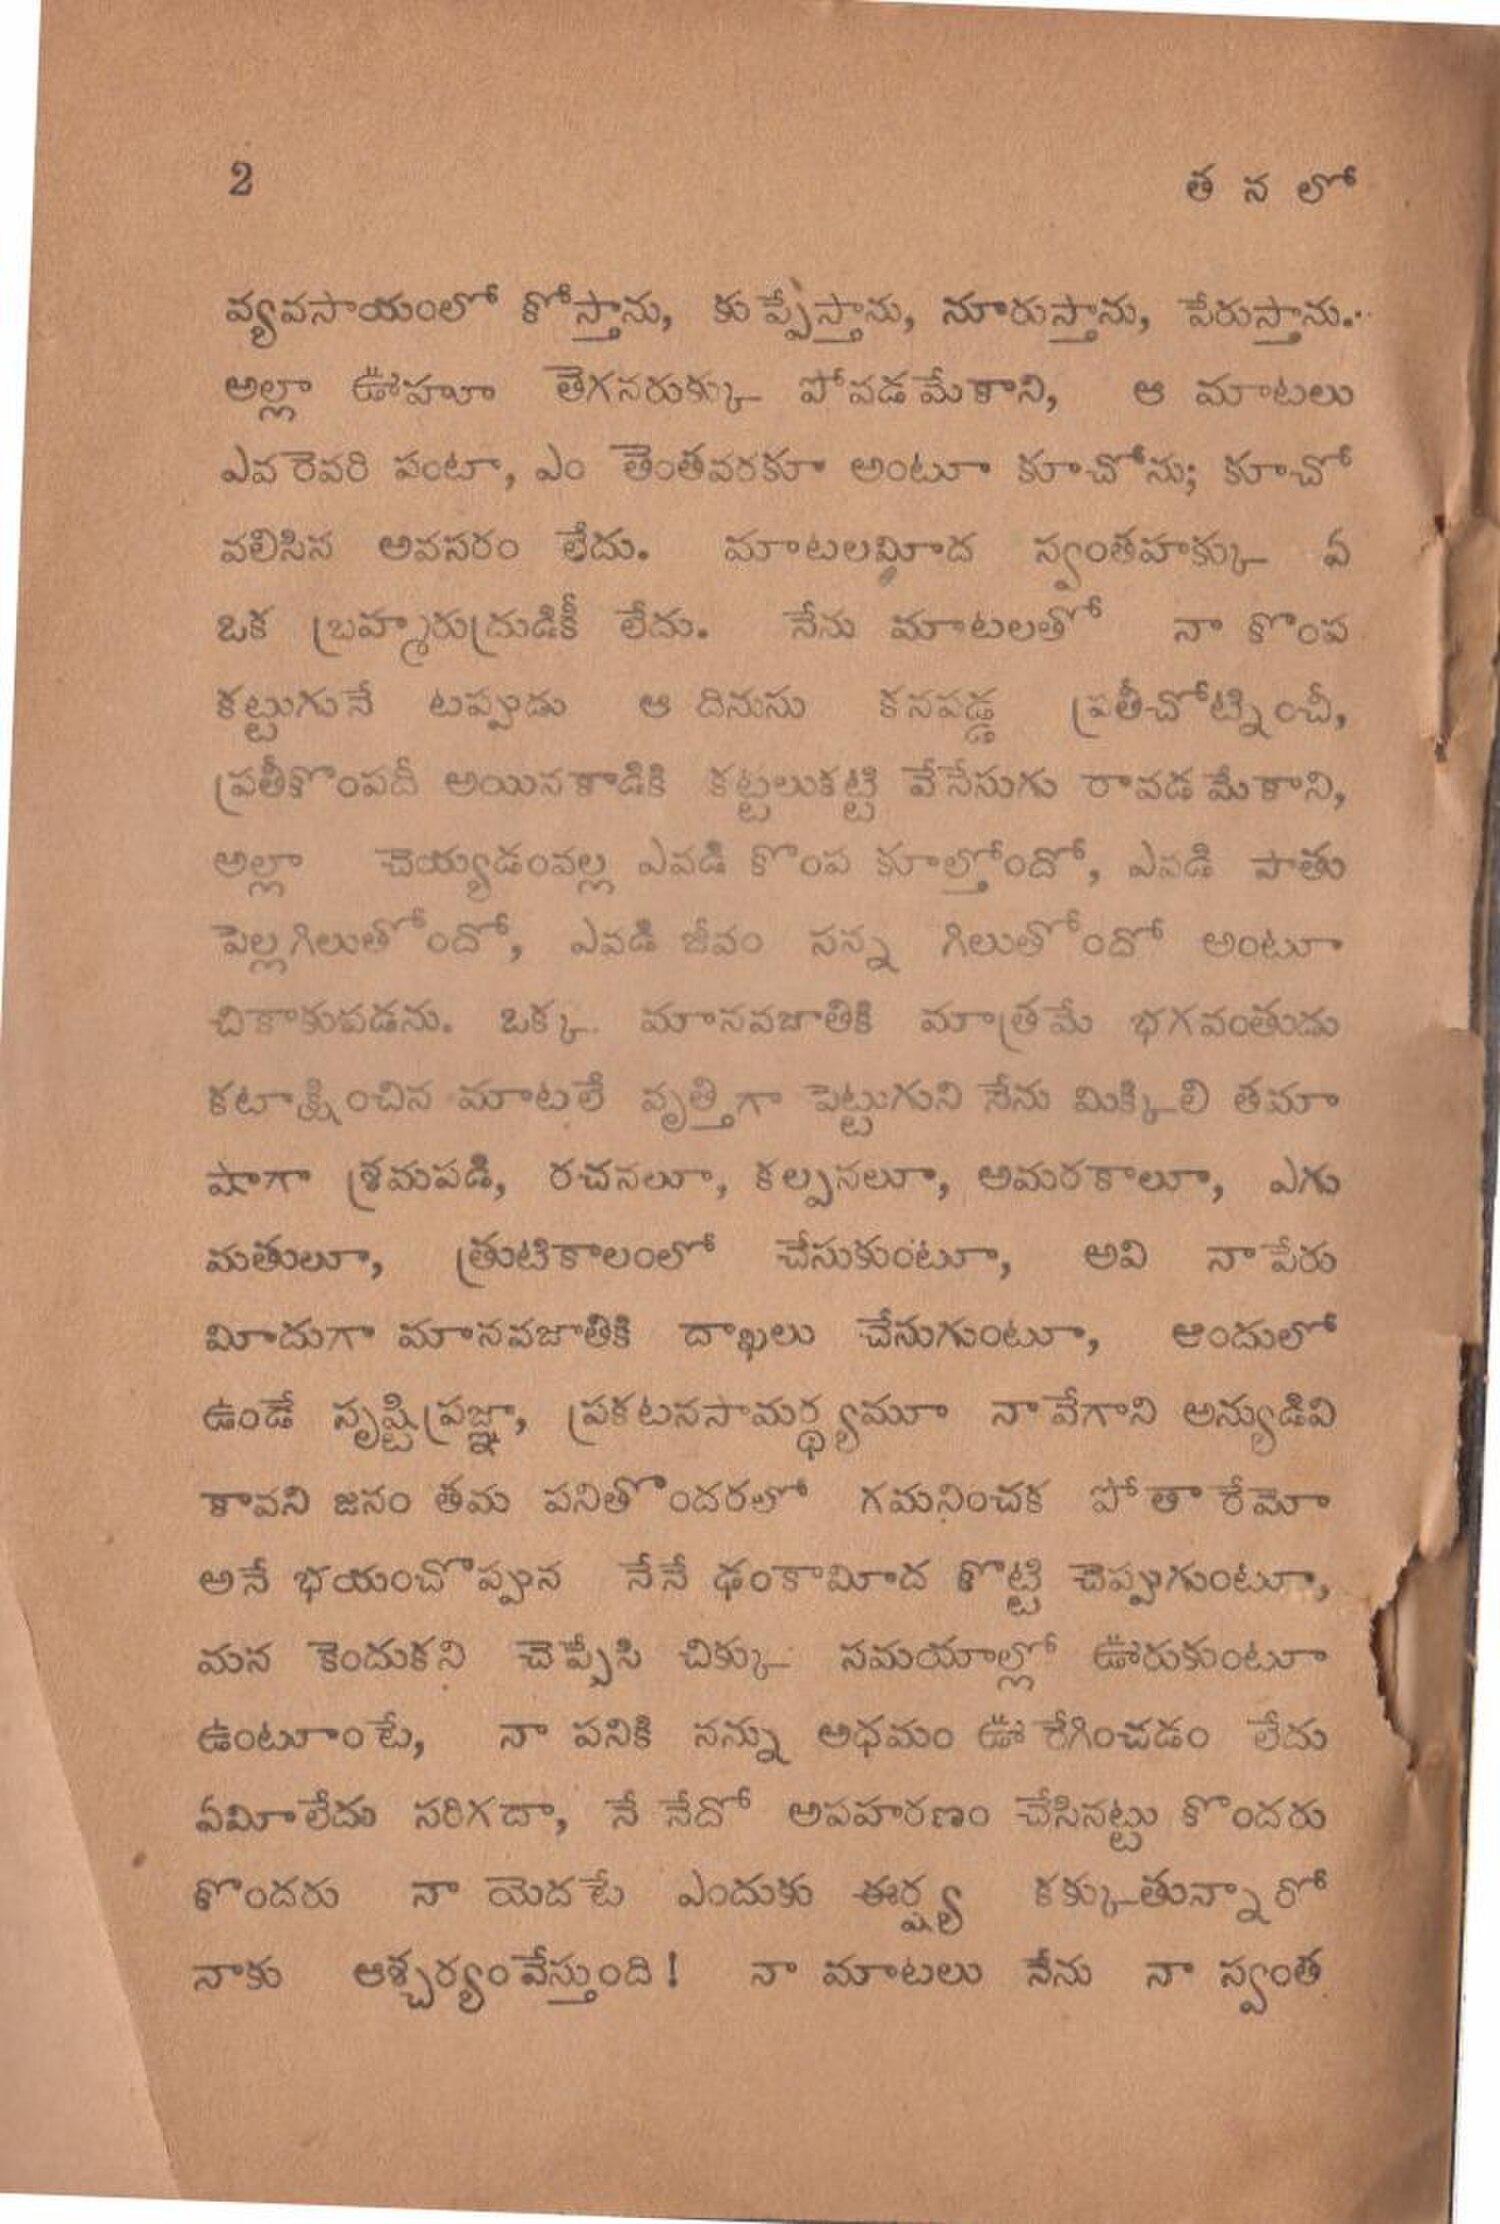వ్యవసాయంలో కోస్తాను, కుప్పేస్తాను, నూరుస్తాను, వేరుస్తాను. అల్లా ఊహూ తెగనరుక్కు పోవడమేకాని, ఆ మాటలు ఎవరెవరి పంటా, ఎంతెంతవరకూ అంటూ కూచోను; కూచోవలిసిన అవసరం లేదు. మాటల మీద స్వంతహక్కు ఏ ఒక బ్రహ్మరుద్రుడికీ లేదు. నేను మాటలతో నా కొంప కట్టుగునే టప్పుడు ఆ దినుసు కనపడ్డ ప్రతీచోట్నించీ, ప్రతీకొంపదీ అయినకాడికి కట్టలుకట్టి వేసేసుగు రావడమేకాని, అల్లా చెయ్యడంవల్ల ఎవడి కొంప కూల్తోందో, ఎవడి సాతు పెల్లగిలుతోందో, ఎవడి జీవం సన్నగిలుతోందో అంటూ చికాకుపడను. ఒక్క మానవజాతికి మాత్రమే భగవంతుడు కటాక్షించిన మాటలే వృత్తిగా పెట్టుగుని నేను మిక్కిలి తమా షాగా శ్రమపడి, రచనలు, కల్పనలూ, అమరకాలూ, ఎగు మతులూ, త్రుటికాలంలో చేసుకుంటూ, అవి నా పేరు మీదుగా మానవజాతికి దాఖలు చేసుగుంటూ, అందులో ఉండే సృష్టి ప్రజా, ప్రకటన సామర్థ్యమూ నా వేగాని అన్యుడివి కావని జనం తమ పనితొందరలో గమనించక పోతారేమో అనే భయంచొప్పున నేనే ఢంకా మీద కొట్టి చెప్పుగుంటూ, మన కెందుకని చెప్పేసి చిక్కు సమయాల్లో ఊరుకుంటూ ఉంటూంటే, నా పనికి నన్ను అధమం ఊరేగించడం లేదు ఏమి లేదు సరిగదా, నే నేదో అపహరణం చేసినట్టు కొందరు కొందరు నా యెదటే ఎందుకు ఈర్ష్య కక్కుతున్నారో నాకు ఆశ్చర్యం వేస్తుంది! నా మాటలు నేను నా స్వంత